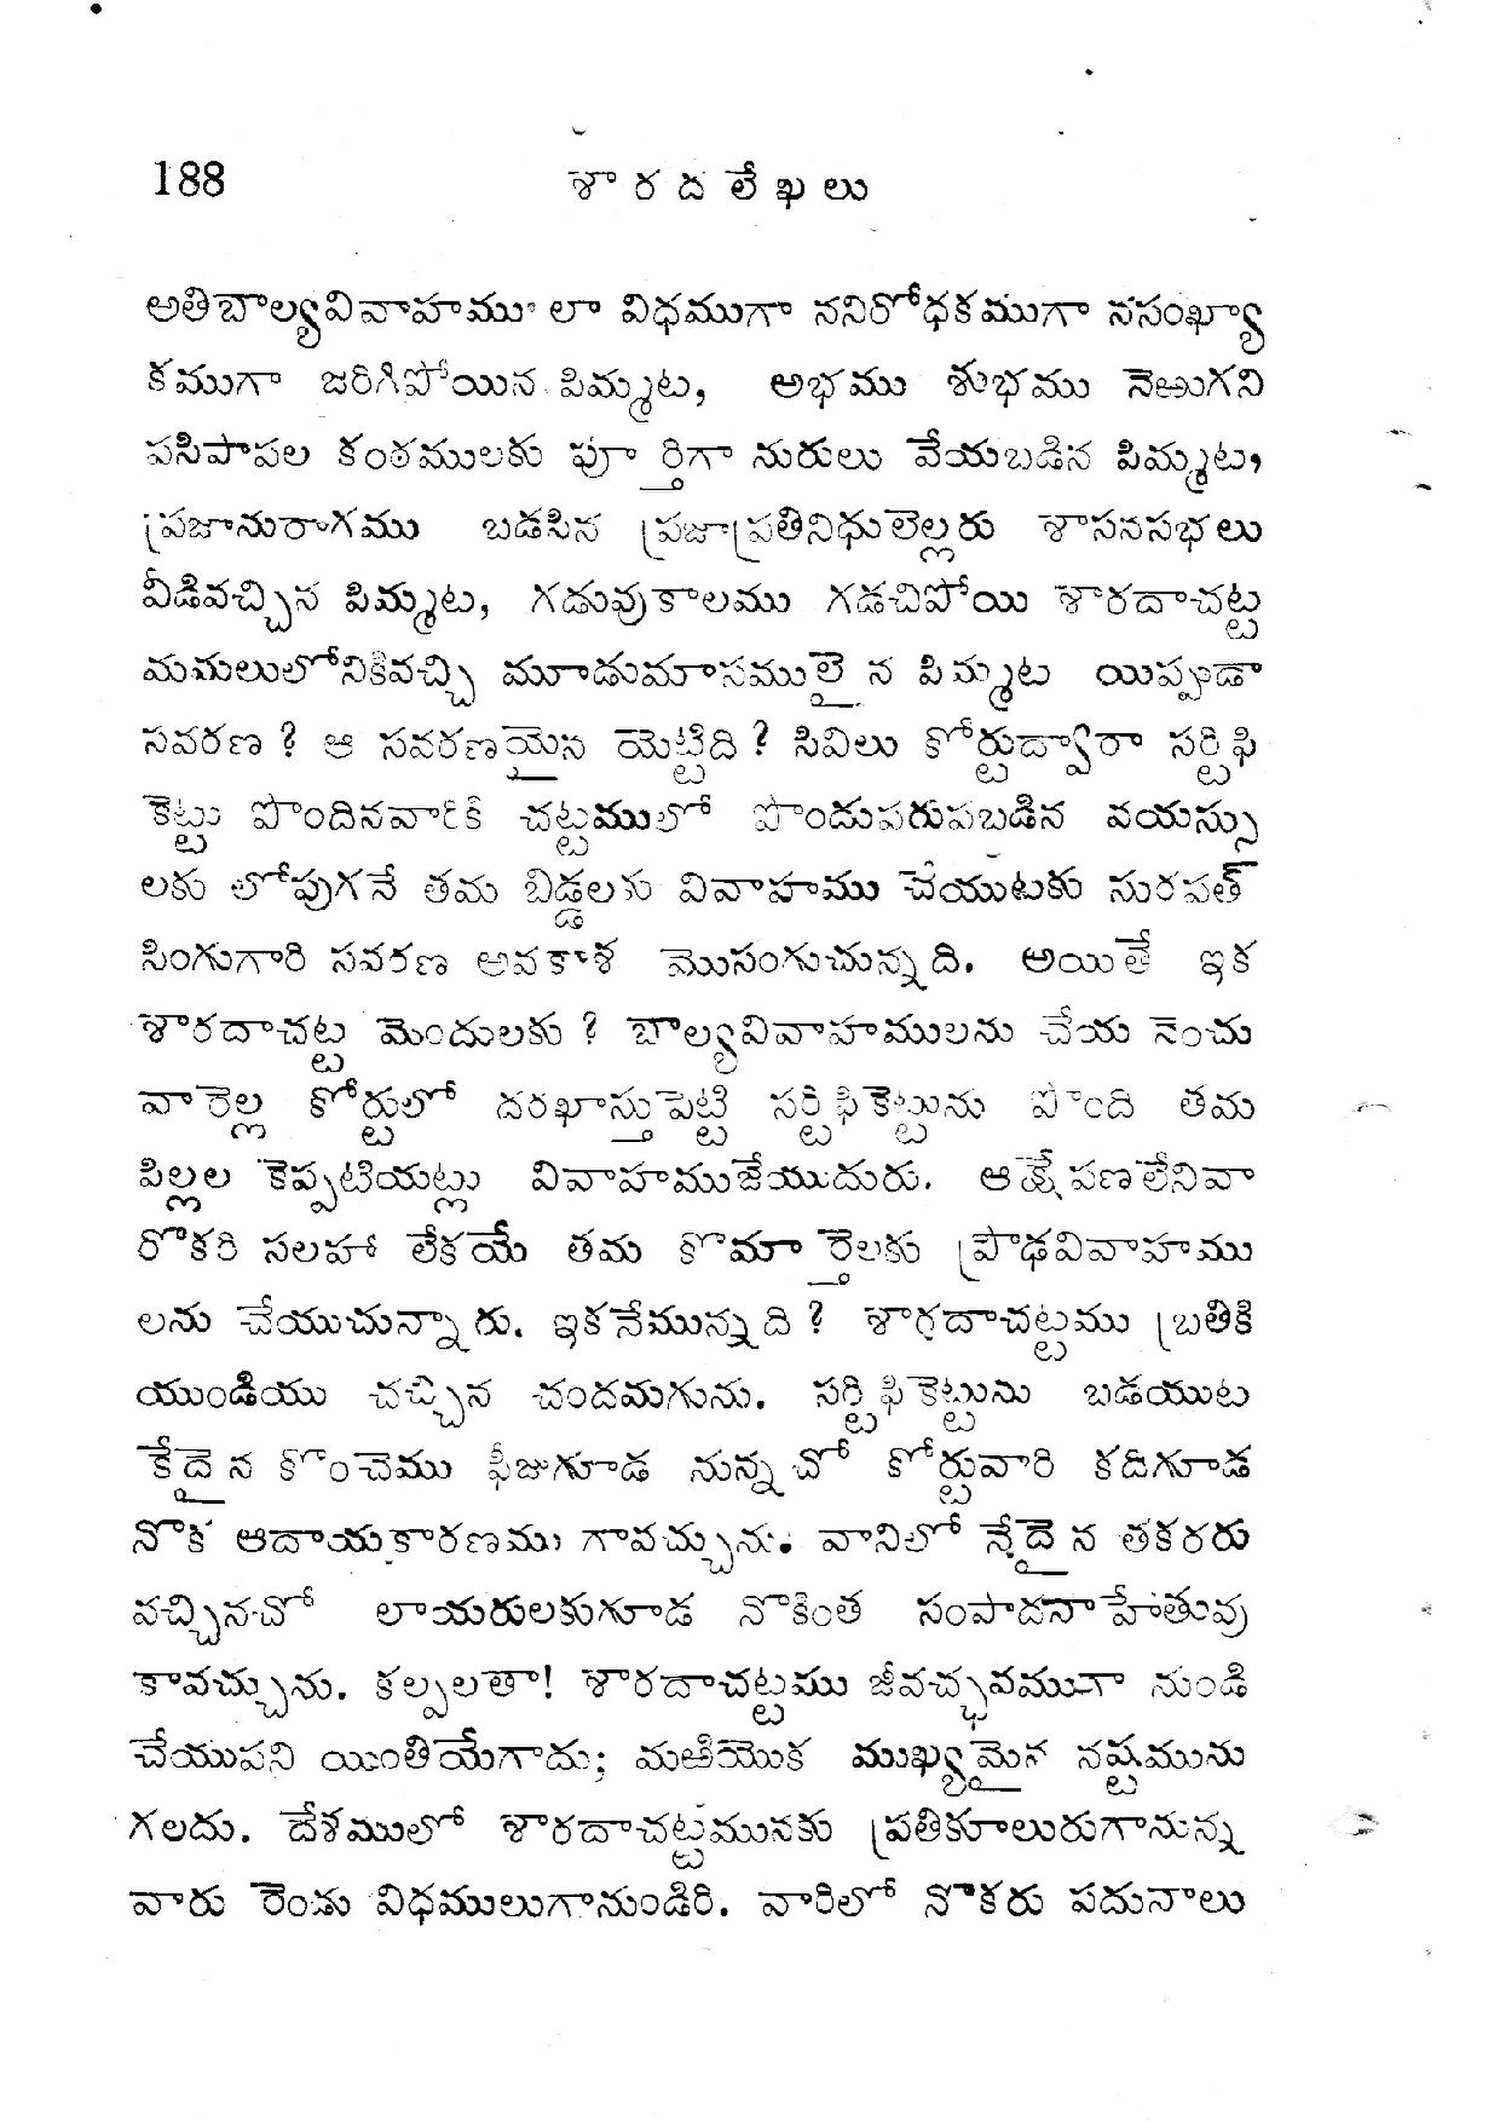అతిబాల్యవివాహము లా విధముగా ననిరోధకముగా నసంఖ్యాకముగా జరిగిపోయిన పిమ్మట, అభము శుభము నెఱుగని పసిపాపల కంఠములకు పూర్తిగా నురులు వేయబడిన పిమ్మట, ప్రజానురాగము బడసిన ప్రజాప్రతినిధులెల్లరు శాసనసభలు వీడివచ్చిన పిమ్మట, గడువుకాలము గడచిపోయి శారదాచట్ట
మములులోనికివచ్చి మూడుమాసములైన పిమ్మట యిప్పుడా సవరణ? ఆ సవరణయైన యెట్టిది? సివిలు కోర్టుద్వారా సర్టిఫికెట్టు పొందినవారికి చట్టములో పొందుపరుపబడిన వయస్సులకు లోపుగనే తమ బిడ్డలకు వివాహము చేయుటకు సురపత్ సింగుగారి సవరణ అవకాశ మొసంగుచున్నది. అయితే ఇక శారదాచట్ట మెందులకు? బాల్యవివాహములను చేయ నెంచువారెల్ల కోర్టులో దరఖాస్తుపెట్టి సర్టిఫికెట్టును పొంది తమ
పిల్లల కెప్పటియట్లు వివాహముజేయుదురు. ఆక్షేపణలేనివా రొకరి సలహా లేకయే తమ కొమార్తెలకు ప్రౌఢవివాహములను చేయుచున్నారు. ఇకనేమున్నది? శారదాచట్టము బ్రతికియుండియు చచ్చిన చందమగును. సర్టిఫికెట్టును బడయుట కేదైన కొంచెము ఫీజుగూడ నున్నచో కోర్టువారి కదిగూడ నొక ఆదాయకారణము గావచ్చును. వానిలో నేదైన తకరరు వచ్చినచో లాయరులకుగూడ నొకింత సంపాదనాహేతువు కావచ్చును. కల్పలతా! శారదాచట్టము జీవచ్ఛవముగా నుండి చేయుపని యింతియేగాదు; మఱియొక ముఖ్యమైన నష్టమును గలదు. దేశములో శారదాచట్టమునకు ప్రతికూలురుగానున్నవారు రెండు విధములుగానుండిరి. వారిలో నొకరు పదునాలు